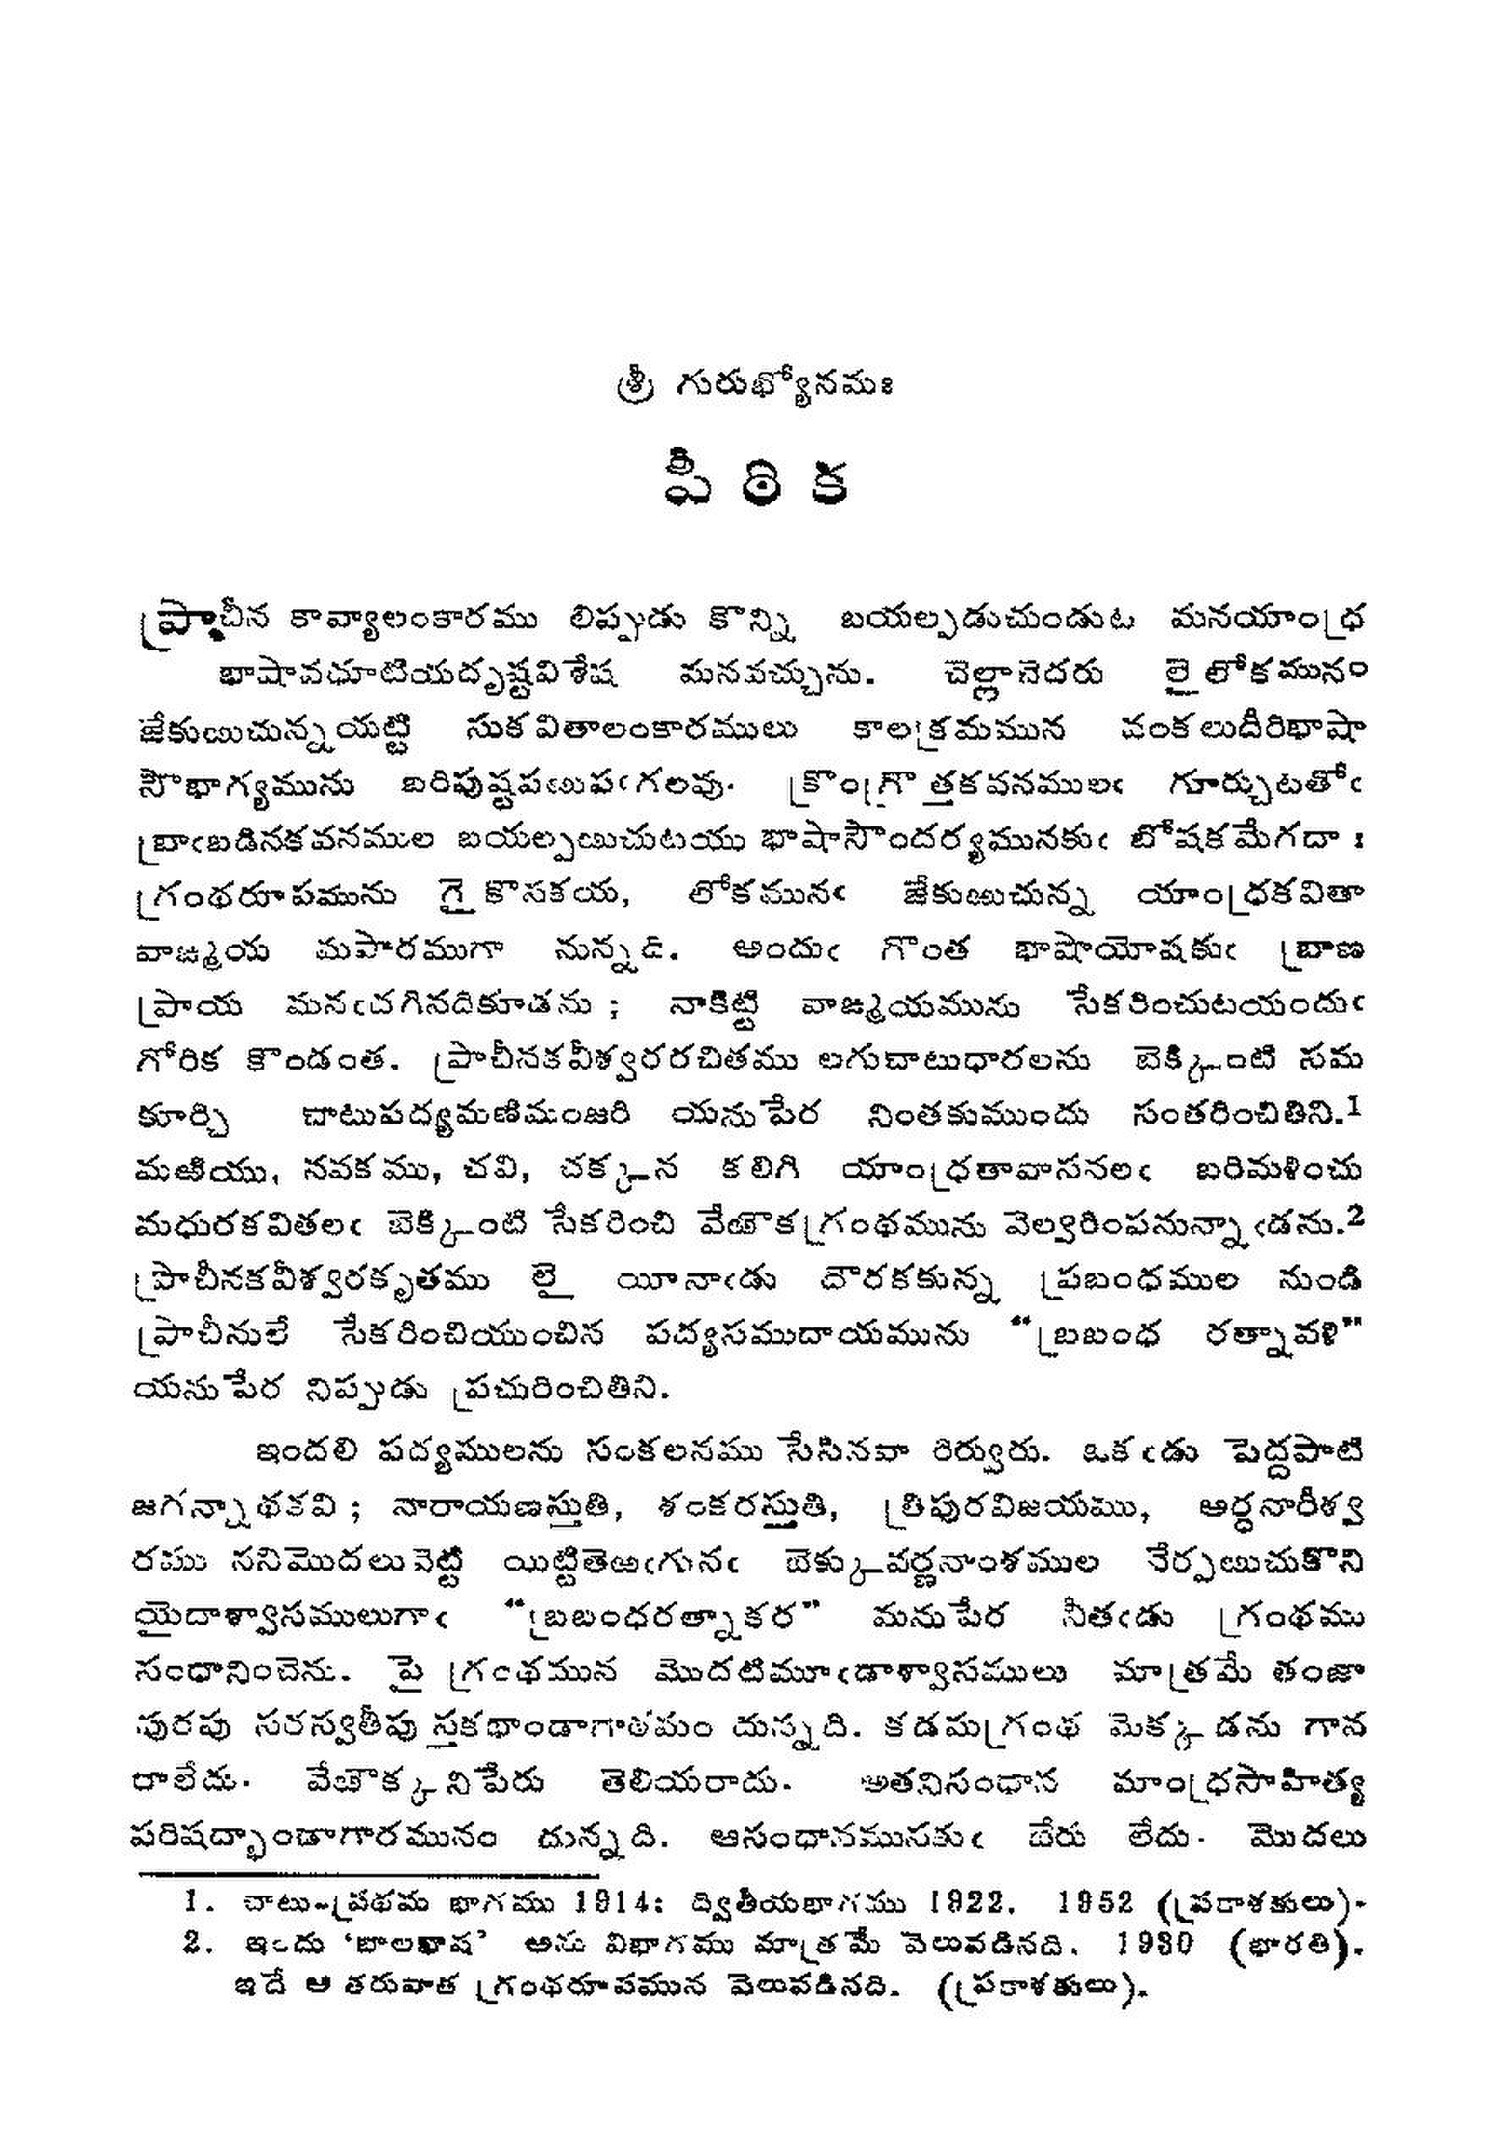పీఠిక

ప్రాచీనకావ్యాలంకారము లిప్పుడు కొన్ని బయల్పడుచుండుట మనయాంధ్రభాషావధూటి యదృష్టవిశేష మనవచ్చును. చెల్లాచెదరులై లోకమునం జేకుఱుచున్నయట్టి సుకవితాలంకారములు కాలక్రమమున వంకలుదీరి భాషాసౌభాగ్యమును బరిపుష్టపఱుపఁగలవు. క్రొంగ్రొత్తకవనములఁ గూర్చుటతోఁ బ్రాఁబడినకవనముల బయల్పఱుచుటయు భాషాసౌందర్యమునకుఁ బోషకమేగదా! గ్రంథరూపమును గైకొనకయ, లోకమునఁ జేకుఱుచున్న యాంధ్రకవితావాఙ్మయ మపారముగా నున్నది. అందుఁ గొంత భాషాయోషకుఁ బ్రాణప్రాయ మనఁదగినది కూడను; నాకిట్టి వాఙ్మయమును సేకరించుటయందుఁ గోరిక కొండంత. ప్రాచీనకవీశ్వరరచితము లగుచాటుధారలను బెక్కింటి సమకూర్చి చాటుపద్యమణిమంజరి యను పేర నింతకుముందు సంతరించితిని. మఱియు, నవకము, చవి, చక్కన కలిగి యాంధ్రతావాసనలఁ బరిమళించు మధురకవితలఁ బెక్కింటి సేకరించి వేఱొకగ్రంథమును వెల్వరింపనున్నాఁడను. ప్రాచీనకవీశ్వరకృతములై యీనాఁడు దొరకకున్న ప్రబంధముల నుండి ప్రాచీనులే సేకరించియుంచిన పద్యసముదాయమును “బ్రబంధరత్నావళి" యనుపేర నిప్పుడు ప్రచురించితిని.

ఇందలి పద్యములను సంకలనము సేసినవా రిర్వురు. ఒకఁడు పెద్దపాటి జగన్నాథకవి; నారాయణస్తుతి, శంకరస్తుతి, త్రిపురవిజయము, అర్ధనారీశ్వరము ననిమొదలువెట్టి యిట్టితెఱఁగునఁ బెక్కువర్ణనాంశముల నేర్పఱుచుకొని యైదాశ్వాసములుగాఁ "బ్రబంధరత్నాకర" మనుపేర నీతఁడు గ్రంథము సంధానించెను. పైగ్రంథమున మొదటిమూఁడాశ్వాసములు మాత్రమే తంజాపురపు సరస్వతీపుస్తకభాండాగారమం దున్నది. కడమగ్రంథ మెక్కడను గానరాలేదు. వేఱొక్కనిపేరు తెలియరాదు. అతనిసంధాన మాంధ్రసాహిత్యపరిషద్భాండాగారమునం దున్నది. ఆసంధానమునకుఁ బేరు లేదు. మొదలు